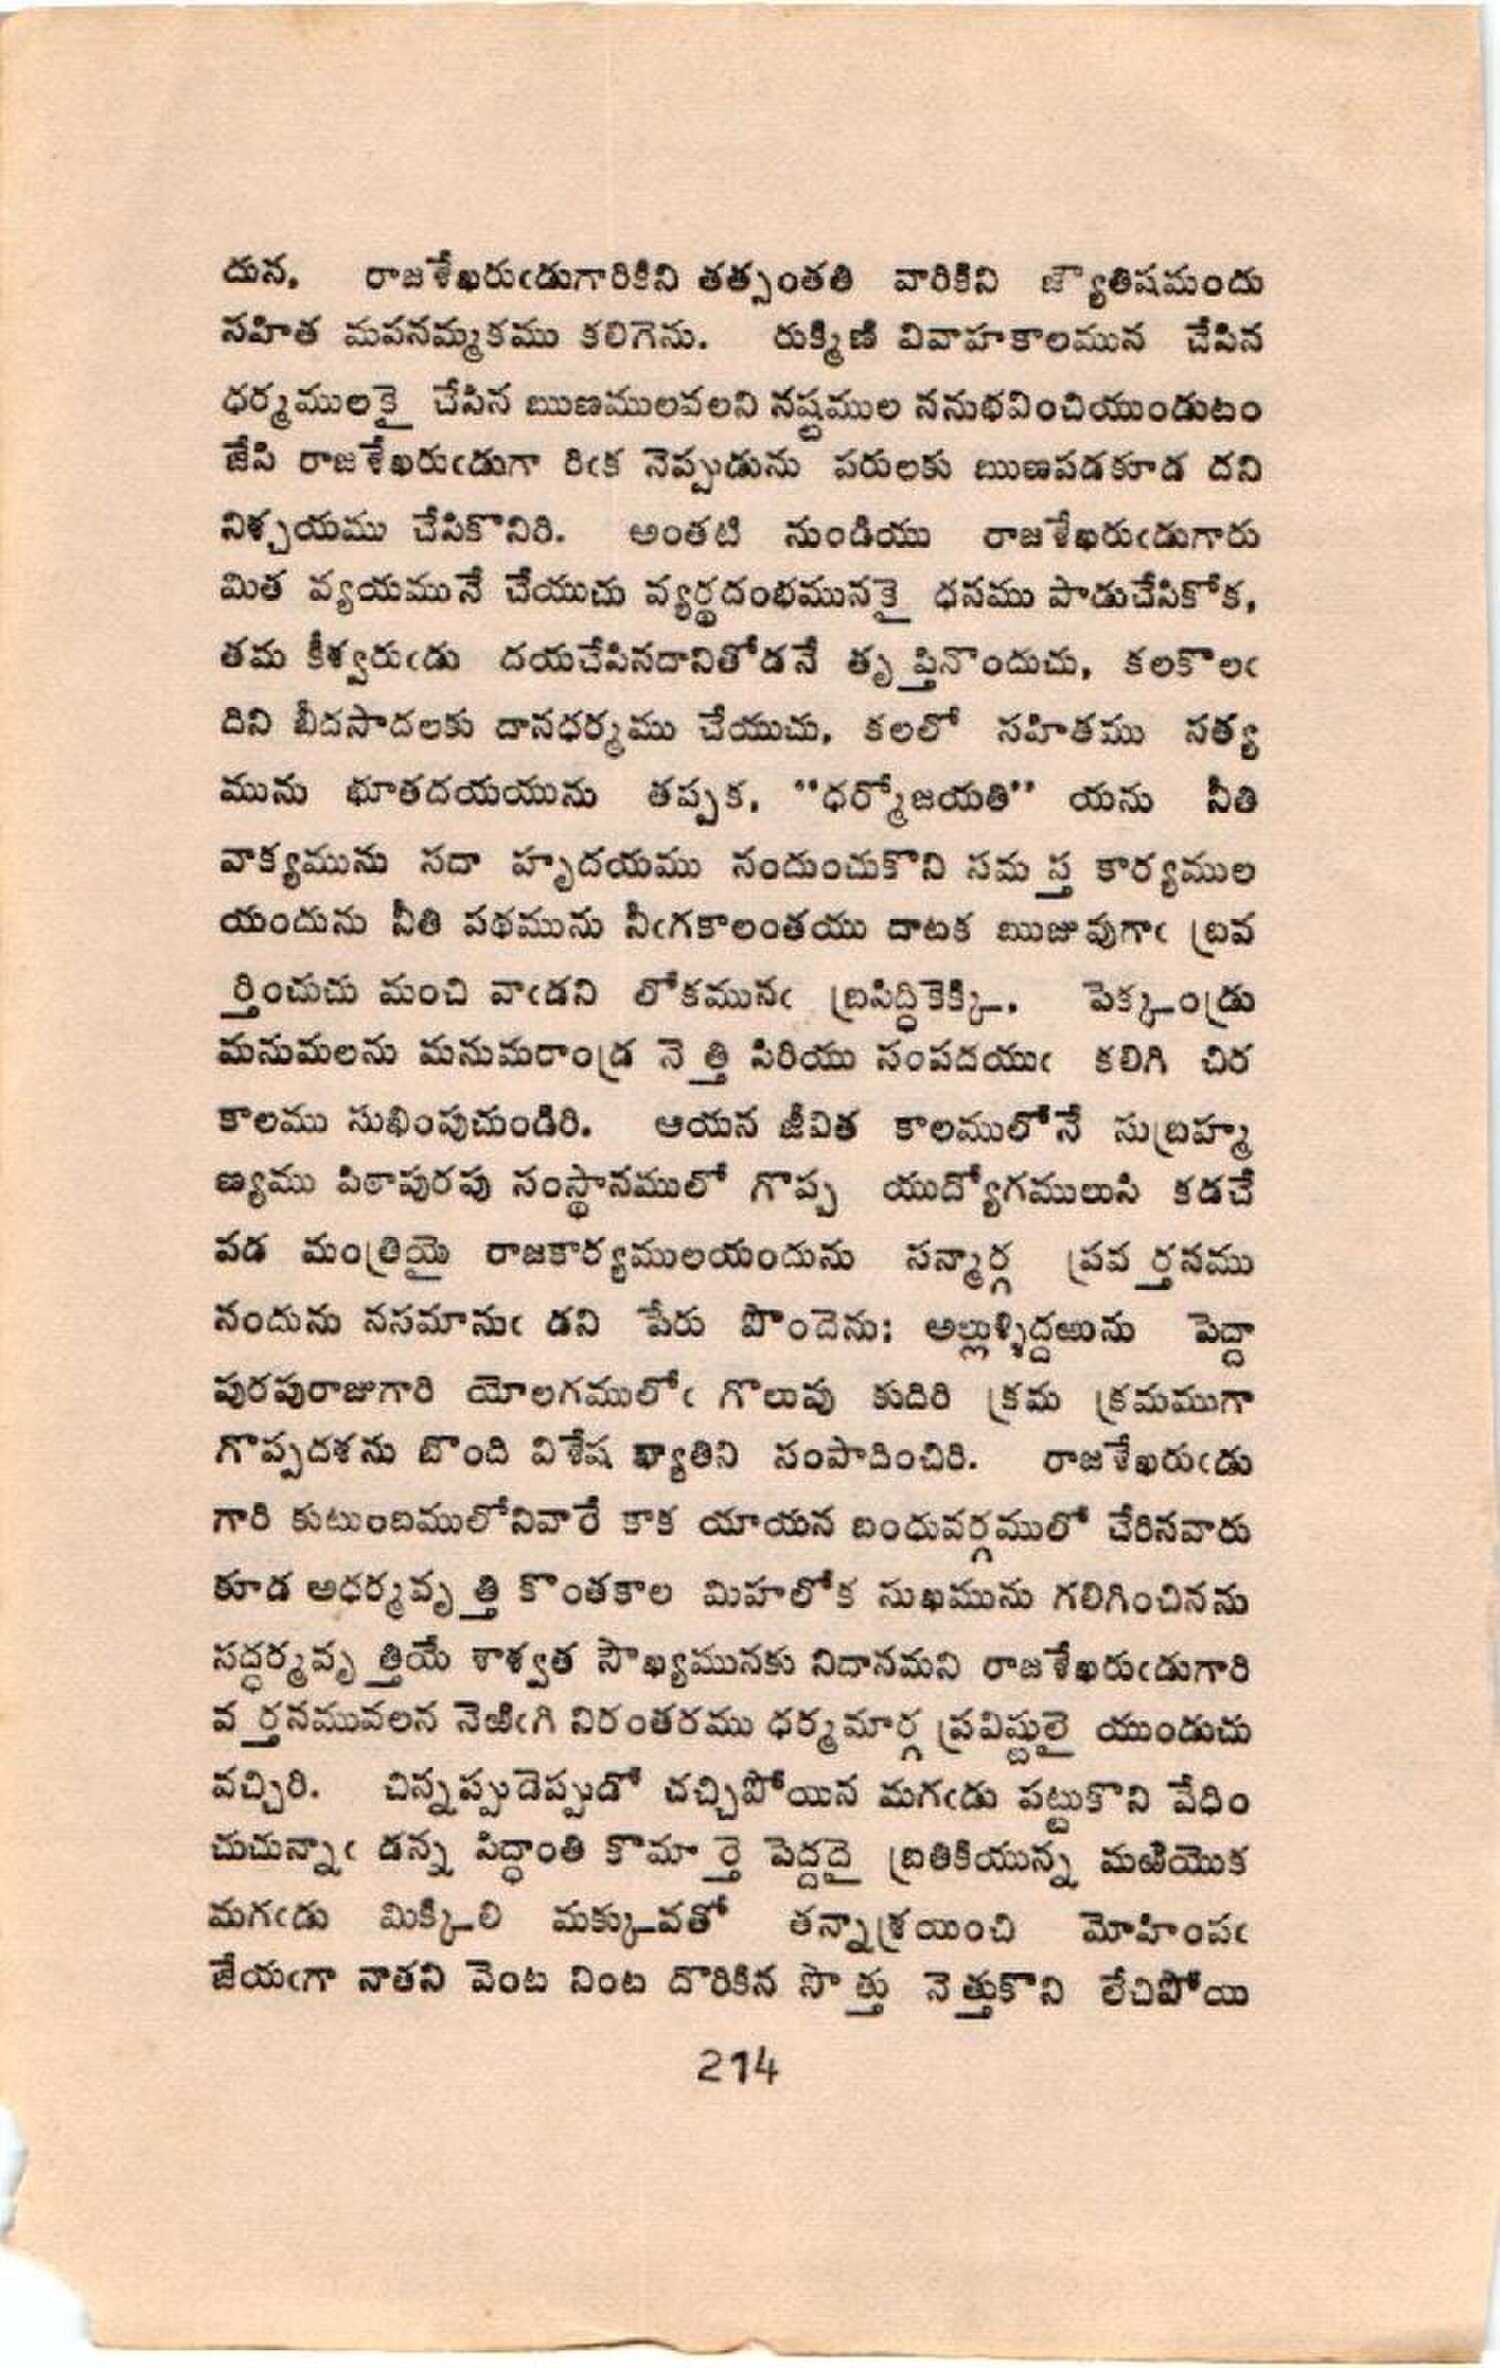దున, రాజశేఖరుఁడుగారికిని తత్సంతతి వారికిని జ్యోతిషమందు సహిత మపనమ్మకము కలిగెను. రుక్మిణి వివాహకాలమున చేసిన
ధర్మములకై చేసిన ఋణములవలని నష్టముల ననుభవించియుండుటం జేసి రాజశేఖరుఁడుగా రిఁక నెప్పుడును పరులకు ఋణపడకూడదని నిశ్చయము చేసికొనిరి. అంతటి నుండియు రాజశేఖరుఁడుగారు మిత వ్యయమునే చేయుచు వ్యర్థదంభమునకై ధనము పాడుచేసికోక, తమ కీశ్వరుఁడు దయచేసినదానితోడనే తృప్తినొందుచు, కలకొలఁ దిని బీదసాదలకు దానధర్మము చేయుచు, కలలో సహితము సత్యమును భూతదయయును తప్పక, "ధర్మోజయతి" యను నీతి వాక్యమును సదా హృదయము నందుంచుకొని సమస్త కార్యముల యందును నీతి పథమును నీఁగకాలంతయు దాటక ఋజువుగాఁ బ్రవర్తించుచు మంచి వాఁడని లోకమునఁ బ్రసిద్ధికెక్కి, పెక్కండ్రు మనుమలను మనుమరాండ్ర నెత్తి సిరియు సంపదయుఁ కలిగి చిర కాలము సుఖింపచుండిరి. ఆయన జీవిత కాలములోనే సుబ్రహ్మణ్యము పిఠాపురపు సంస్థానములో గొప్ప మంత్రియై రాజకార్యములయందును సన్మార్గ ప్రవర్తనము నందును నసమానుఁ డని పేరు పొందెను: అల్లుళ్ళిద్దఱును పెద్దా పురపురాజుగారి యోలగములోఁ గొలువు కుదిరి క్రమ క్రమముగా గొప్పదశను బొంది విశేష ఖ్యాతిని సంపాదించిరి. రాజశేఖరుఁడు గారి కుటుంబములోనివారే కాక యాయన బంధువర్గములో చేరినవారు కూడ అధర్మవృత్తి కొంతకాల మిహలోక సుఖమును గలిగించినను సద్ధర్మవృత్తియే శాశ్వత సౌఖ్యమునకు నిదానమని రాజశేఖరుఁడుగారి వర్తనమువలన నెఱిగి నిరంతరము ధర్మమార్గ ప్రవిష్టులై యుండుచు వచ్చిరి. చిన్నప్పుడెప్పుడో చచ్చిపోయిన మగఁడు పట్టుకొని వేధిం చుచున్నాఁ డన్న సిద్ధాంతి కొమార్తె పెద్దదై బ్రతికియున్న మఱియొక మగఁడు మిక్కిలి మక్కువతో తన్నాశ్రయించి మోహింపఁ జేయఁగా నాతని వెంట నింట దొరికిన సొత్తు నెత్తుకొని లేచిపోయి